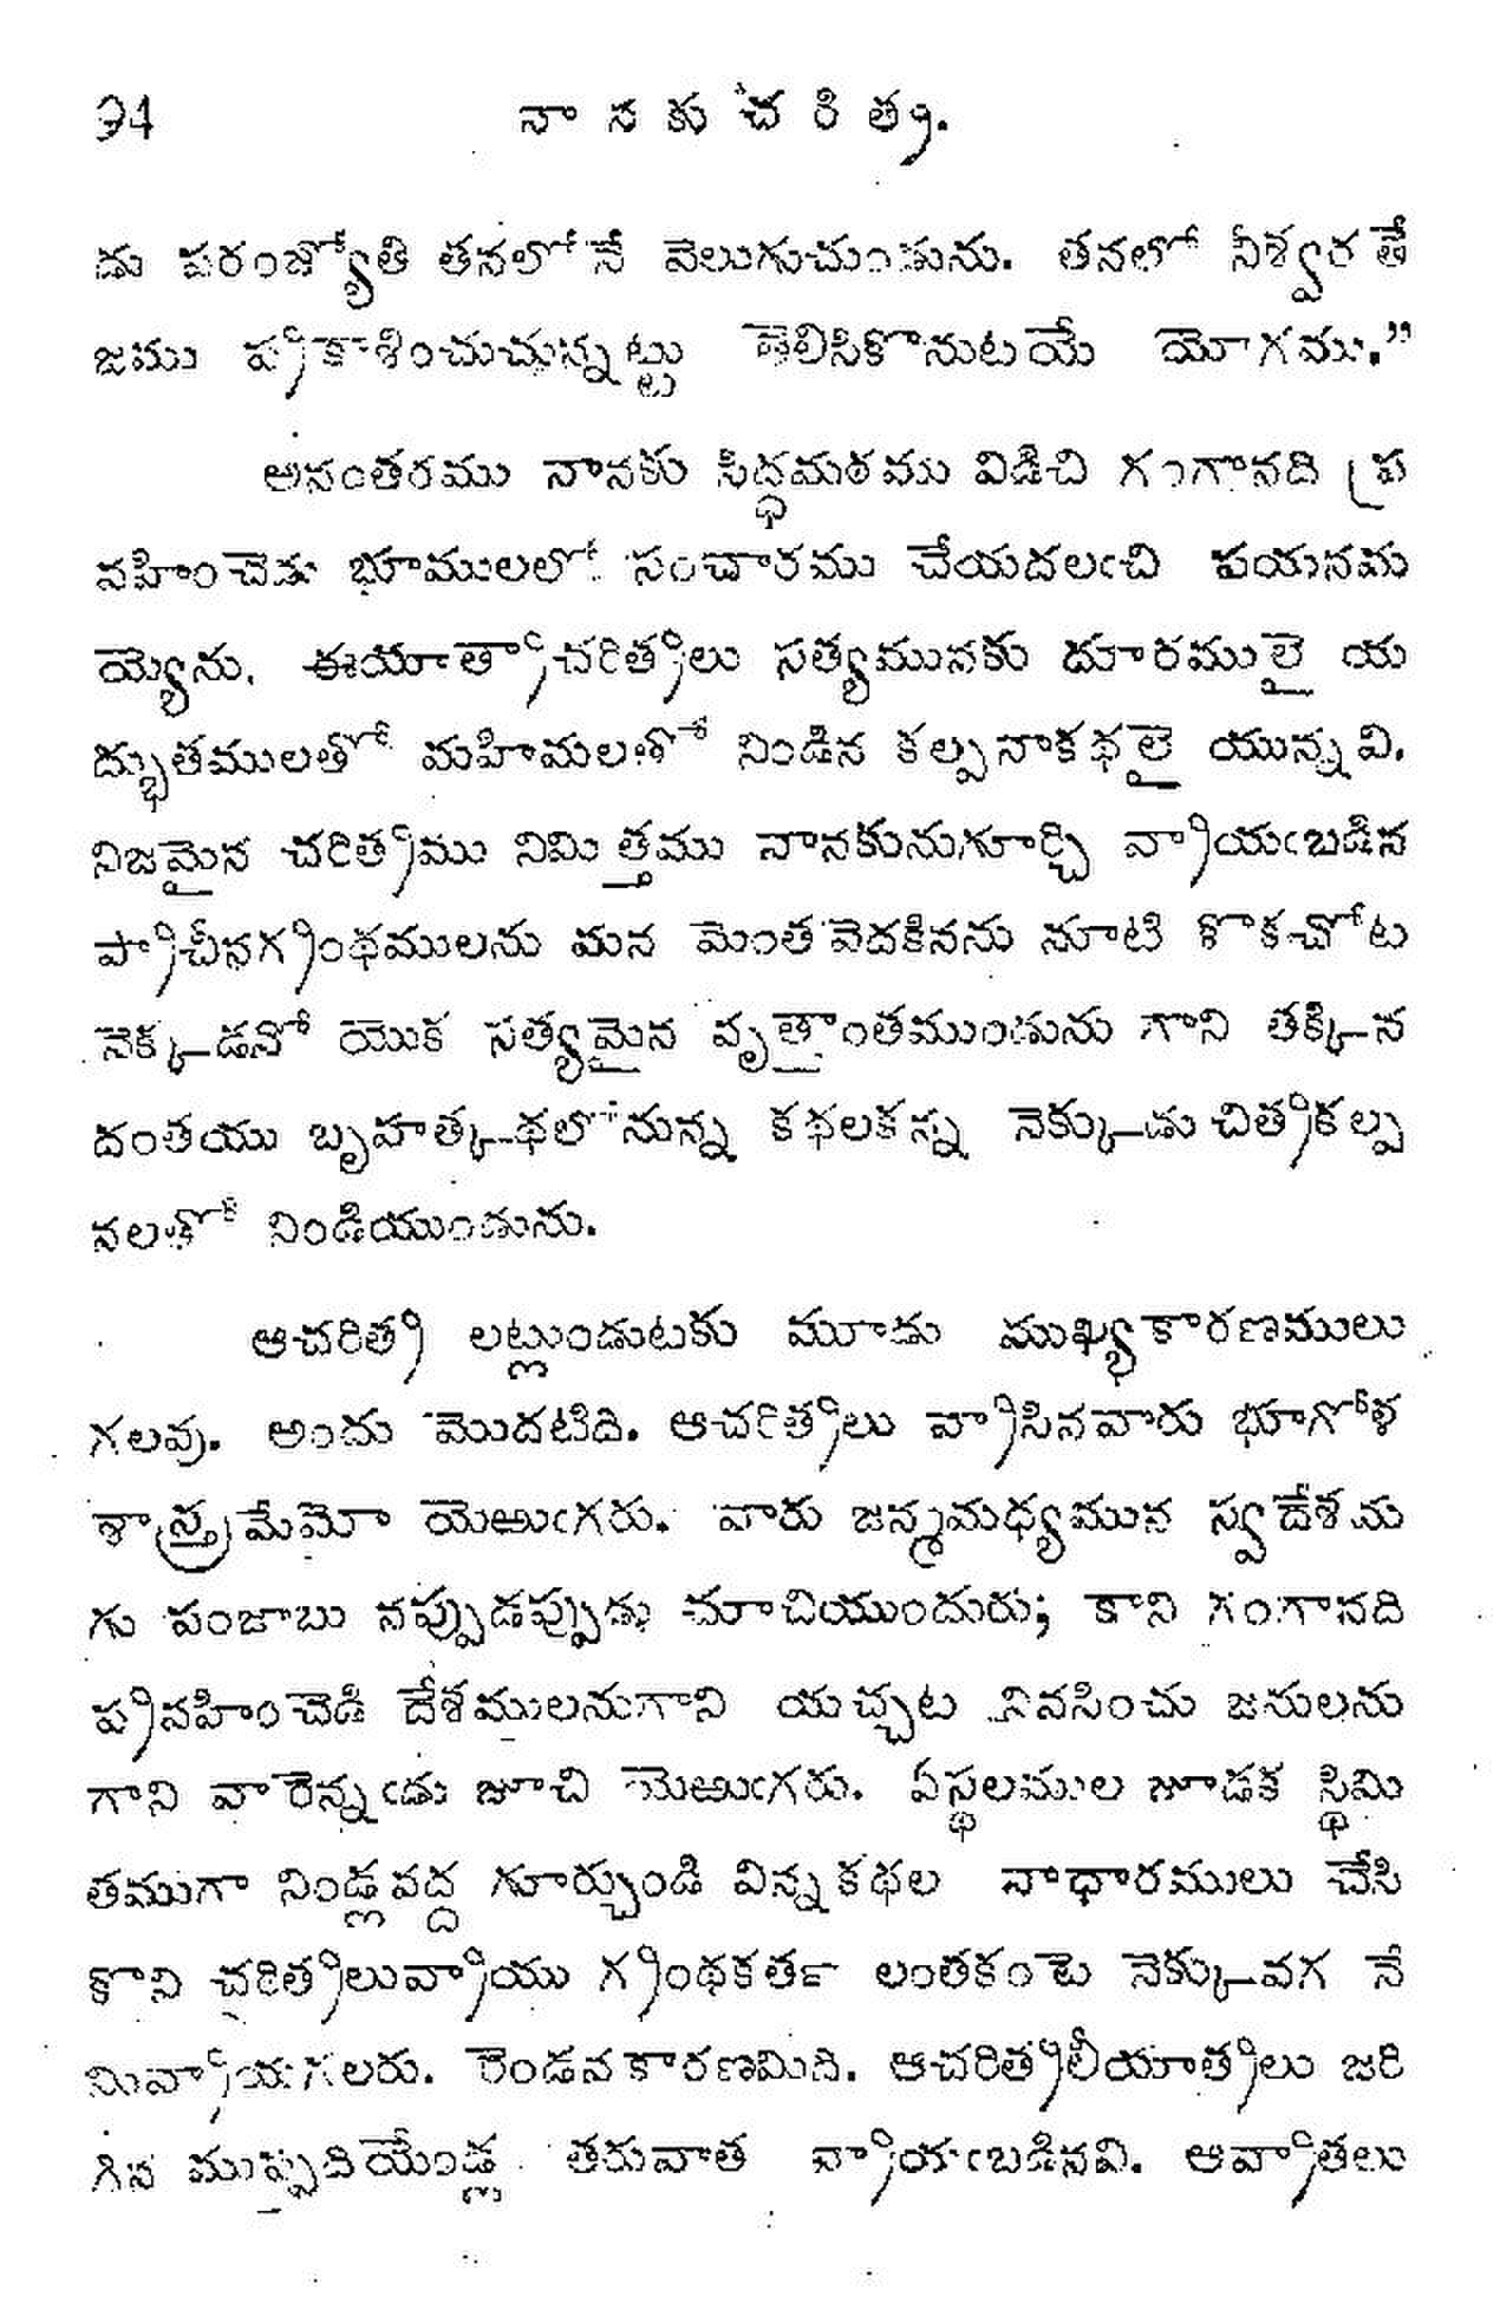డు పరంజ్యోతి తనలోనే వెలుగుచుండును. తనలో నీశ్వరతేజము ప్రకాశించుచున్నట్టు తెలిసికొనుటయే యోగము."

అనంతరము నానకు సిద్ధమఠము విడిచి గంగానది ప్రవహించెడు భూములలో సంచారము చేయదలచి పయనమయ్యెను. ఈయాత్రాచరిత్రలు సత్యమునకు దూరములై యద్భుతములతో మహిమలతో నిండిన కల్పనాకథలై యున్నవి. నిజమైన చరిత్రము నిమిత్తము నానకునుగూర్చి వ్రాయబడిన ప్రాచీనగ్రంథములను మన మెంతవెదకినను నూటి కొకచోట నెక్కడనో యొక సత్యమైన వృత్తాంతముండును గాని తక్కిన దంతయు బృహత్కథలోనున్న కథలకన్న నెక్కుడు చిత్రకల్పనలతో నిండియుండును.

ఆచరిత్ర లట్లుండుటకు మూడు ముఖ్యకారణములు గలవు. అందు మొదటిది. ఆచరిత్రలు వ్రాసినవారు భూగోళ శాస్త్రమేమో యెఱుగరు. వారు జన్మమధ్యమున స్వదేశమగు పంజాబు నప్పుడప్పుడు చూచియుందురు; కాని గంగానది ప్రవహించెడి దేశములనుగాని యచ్చట నివసించు జనులనుగాని వారెన్నడు జూచి యెఱుగరు. ఏస్థలముల జూడక స్థిమితముగా నిండ్లవద్ద గూర్చుండి విన్నకథల నాధారములు చేసికొని చరిత్రలువ్రాయు గ్రంథకతన్ లంతకంటె నెక్కువగ నేమివ్రాయగలరు. రెండవకారణమిది. ఆచరిత్రలీయాత్రలు జరిగిన ముప్పదియేండ్ల తరువాత వ్రాయబడినవి. ఆవ్రాతలు